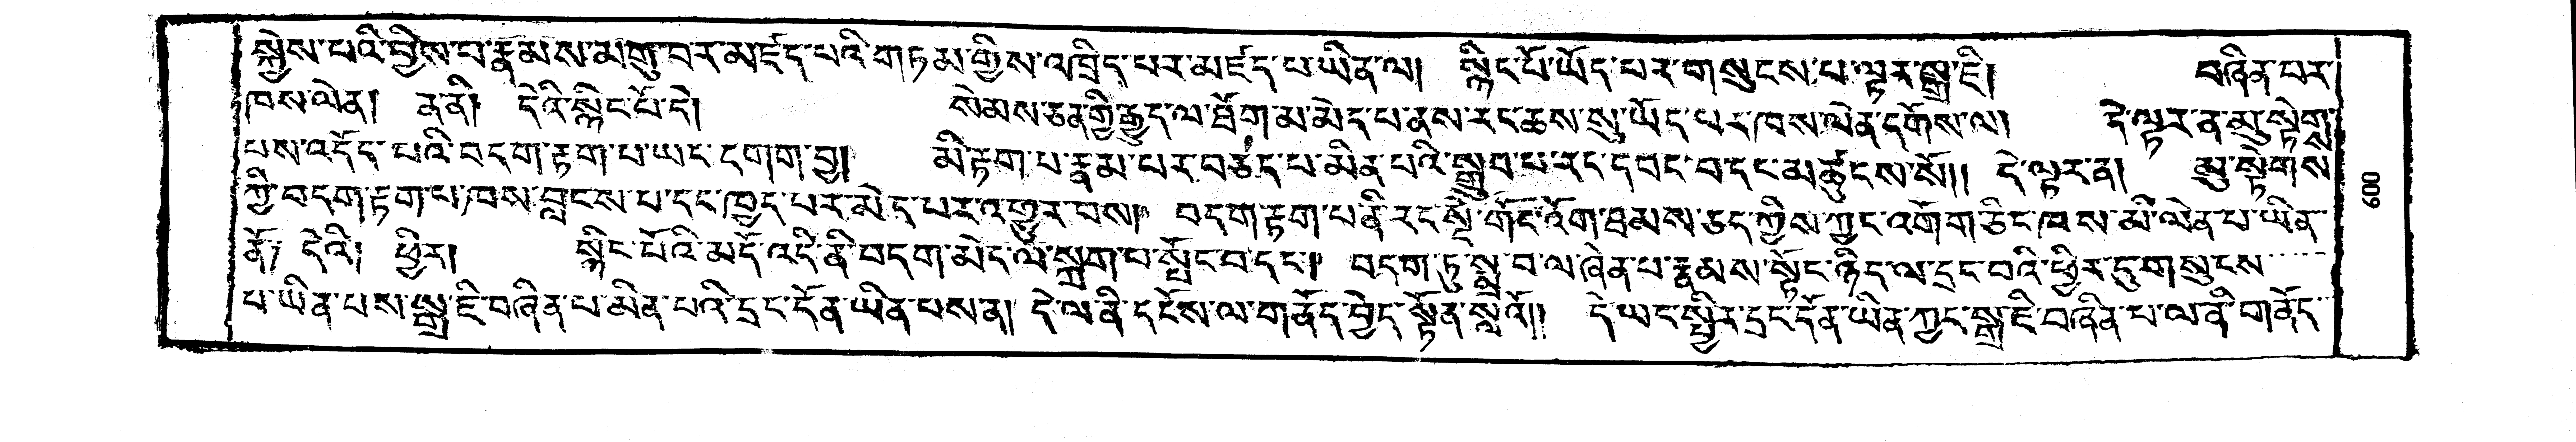སྐྱེས་པའི་བྱིས་པ་རྣམས་མགུ་བར་མཛད་པའི་གཏམ་གྱིས་འཁྲིད་པར་མཛད་པ་ཡིན་ལ། སྙིང་པོ་ཡོད་པར་གསུངས་པ་ལྟར་སྒྲ་ཇི། བཞིན་པར་
ཁས་ལེན། ན་ནི། དེའི་སྙིང་པོ་དེ། སེམས་ཅན་གྱི་རྒྱུད་ལ་ཐོག་མ་མེད་པ་ནས་རང་ཆས་སུ་ཡོད་པར་ཁས་ལེན་དགོས་ལ། དེ་ལྟར་ན་མུ་སྟེགས་
པས་འདོད་པའི་བདག་རྟག་པ་ཡང་དགག་བྱ། མི་རྟག་པ་རྣམ་པར་བཅེད་པ་མིན་པའི་སྒྲུབ་པ་རང་དབང་བ་དང་མཚུངས་སོ། །དེ་ལྟར་ན། མུ་སྟེགས་
ཀྱི་བདག་རྟག་པ་ཁས་བླངས་པ་དང་ཁྱད་པར་མེད་པར་འགྱུར་པས། བདག་རྟག་པ་ནི་རང་སྔོ་གོང་འོག་ཐམས་ཅད་ཀྱིས་ཀྱང་འགོག་ཅིང་ཁས་མི་ལེན་པ་ཡིན་
ནོ། དེའི། ཕྱིར། སྙིང་པོའི་མདོ་འདི་ནི་བདག་མེད་ལ་སྐྲག་པ་སྤོང་བ་དང་། བདག་ཏུ་སྨྲ་བ་ལ་ཞེན་པ་རྣམས་སྟོང་ཉིད་ལ་དྲང་བའི་ཕྱིར་དུ་གསུངས་
པ་ཡིན་པས་སྒྲ་ཇི་བཞིན་པ་མིན་པའི་དྲང་དོན་ཡིན་པས་ན། དེ་ལ་ནི་དངོས་ལ་གནོད་བྱེད་སྟོན་སླའོ། །དེ་ཡང་སྤྱིར་དྲང་དོན་ཡིན་ཀྱང་སྒྲ་ཇི་བཞིན་པ་ལ་ནི་གནོད་